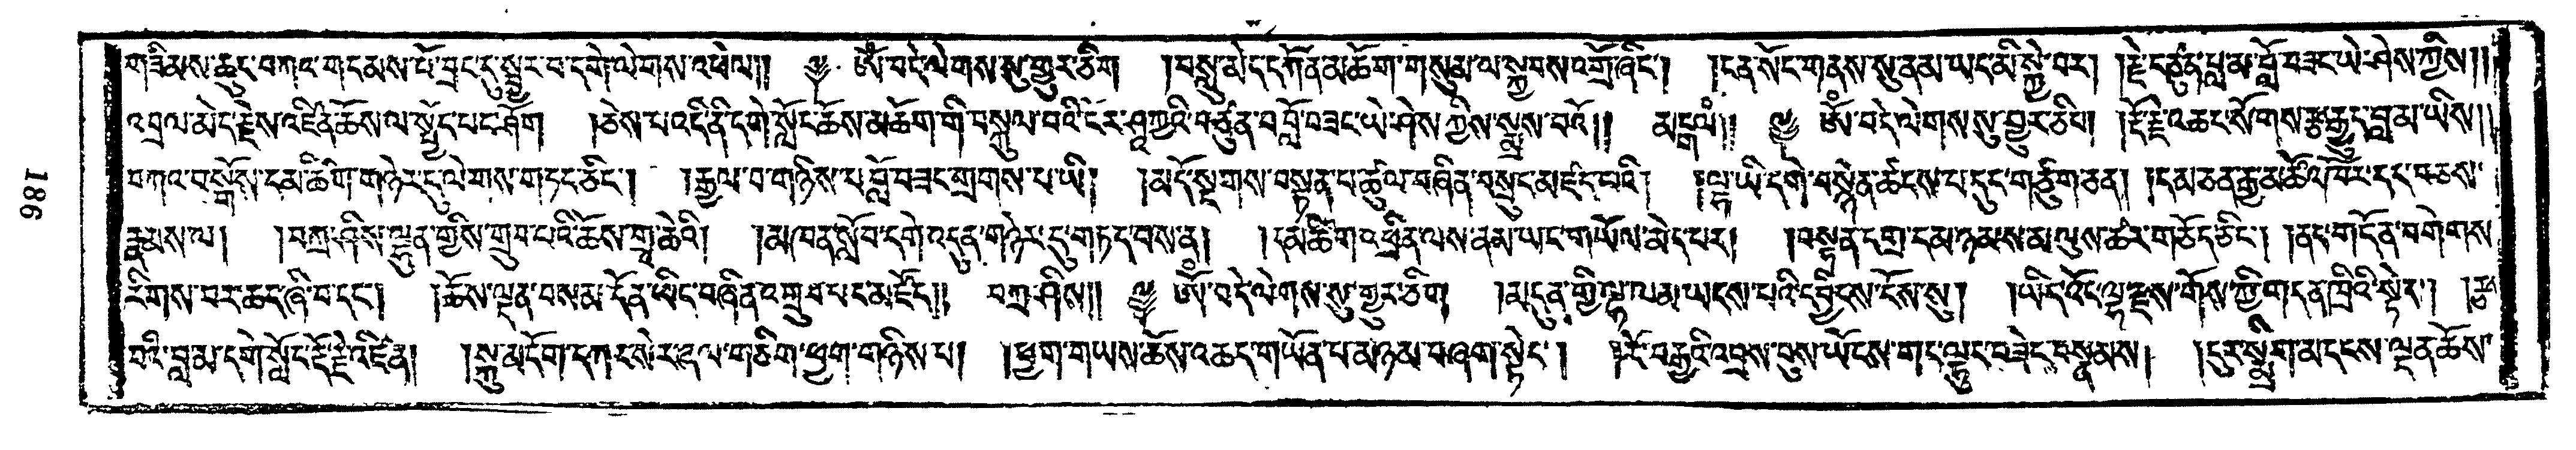གཟིམས་ཆུང་བཀའ་གདམས་པོ་བྲང་དུ་སྦྱར་བ་དགེ་ལེགས་འཕེལ།། ༈ ཨོཾ་བདེ་ལེགས་སུ་གྱུར་ཅིག །བསླུ་མེད་དཀོན་མཆོག་གསུམ་ལ་སྐྱབས་འགྲོ་ཞིང་། །ངན་སོང་གནས་སུ་ནམ་ཡང་མི་སྐྱེ་བར། །རྗེ་བཙུན་བླ་མ་བློ་བཟང་ཡེ་ཤེས་ཀྱིས། །
འབྲལ་མེད་རྗེས་འཛིན་ཆོས་ལ་སྤྱོད་པང་ཤོག །ཅེས་པ་འདི་ནི་དགེ་སློང་ཆོས་མཆོག་གི་བསྐུལ་བའི་ངོར་ཤཱཀྱའི་བཙུན་བ་བློ་བཟང་ཡེ་ཤེས་ཀྱིས་སྨྲས་བའོ།། མངྒལཾ།། ༈ ཨོཾ་བདེ་ལེགས་སུ་བྱུར་ཅིབ?། །རྡོ་རྗེ་འཆང་སོགས་རྩ་རྒྱུད་བླ་མ་ཡིས། །
བཀའ་བསྒོས་དམ་ཚིག་གཉེར་དུ་ལེགས་གཏད་ཅིང་། །རྒྱལ་བ་གཉིས་པ་བློ་བཟང་གྲགས་པ་ཡི། །མདོ་སྔགས་བསྟན་པ་ཚུལ་བཞིན་བསྲུང་མཛད་པའི། །ལྷ་ཡི་དགེ་བསྙེན་ཚངས་པ་དུང་གཙུག་ཅན། །དམ་ཅན་རྒྱ་མཚོ་འཁོར་དང་བཅས་
རྣམས་ལ། །བཀྲ་ཤིས་ལྷུན་གྱིས་གྲུབ་པའི་ཆོས་གྲྭ་ཆེའི། །མཁན་སློབ་དགེ་འདུན་གཉེར་དུ་གཏད་བས་ན། །དམ་ཚིག་འཕྲིན་ལས་ནམ་ཡང་གཡོལ་མེད་པར། །བསྟན་དགྲ་དམ་ཉམས་མ་ལུས་ཚར་གཅོད་ཅིང་། །ནད་གདོན་བགེགས་
རིགས་བར་ཆད་ཞི་བ་དང་། །ཆོས་ལྡན་བསམ་དོན་ཡིད་བཞིན་འགྲུབ་པར་མཛོད།། བཀྲ་ཤིས།། ༈ ཨོཾ་བདེ་ལེགས་སུ་གྱུར་ཅིག །མདུན་གྱི་ལྷ་ལམ་ཡངས་པའི་དབྱིངས་ངོས་སུ། །ཡིད་འོང་ལྷ་རྫས་གོས་ཀྱི་གདན་ཁྲིའི་སྟེམ། །རྩ་
བའི་བླ་མ་དགེ་སློང་རྡོ་རྗེ་འཛིན། །སྐུ་མདོག་དཀར་སེར་ཞལ་གཅིག་ཕྱག་གཉིས་པ། །ཕྱག་གཡས་ཆོས་འཆད་གཡོན་པ་མཉམ་བཞག་སྟེང་། །རོ་བརྒྱའི་འབྲས་བུས་ཡོངས་གང་ལྟུང་བཟེད་བསྣམས། །དུར་སྨྲིག་མདངས་ལྡན་ཆོས་